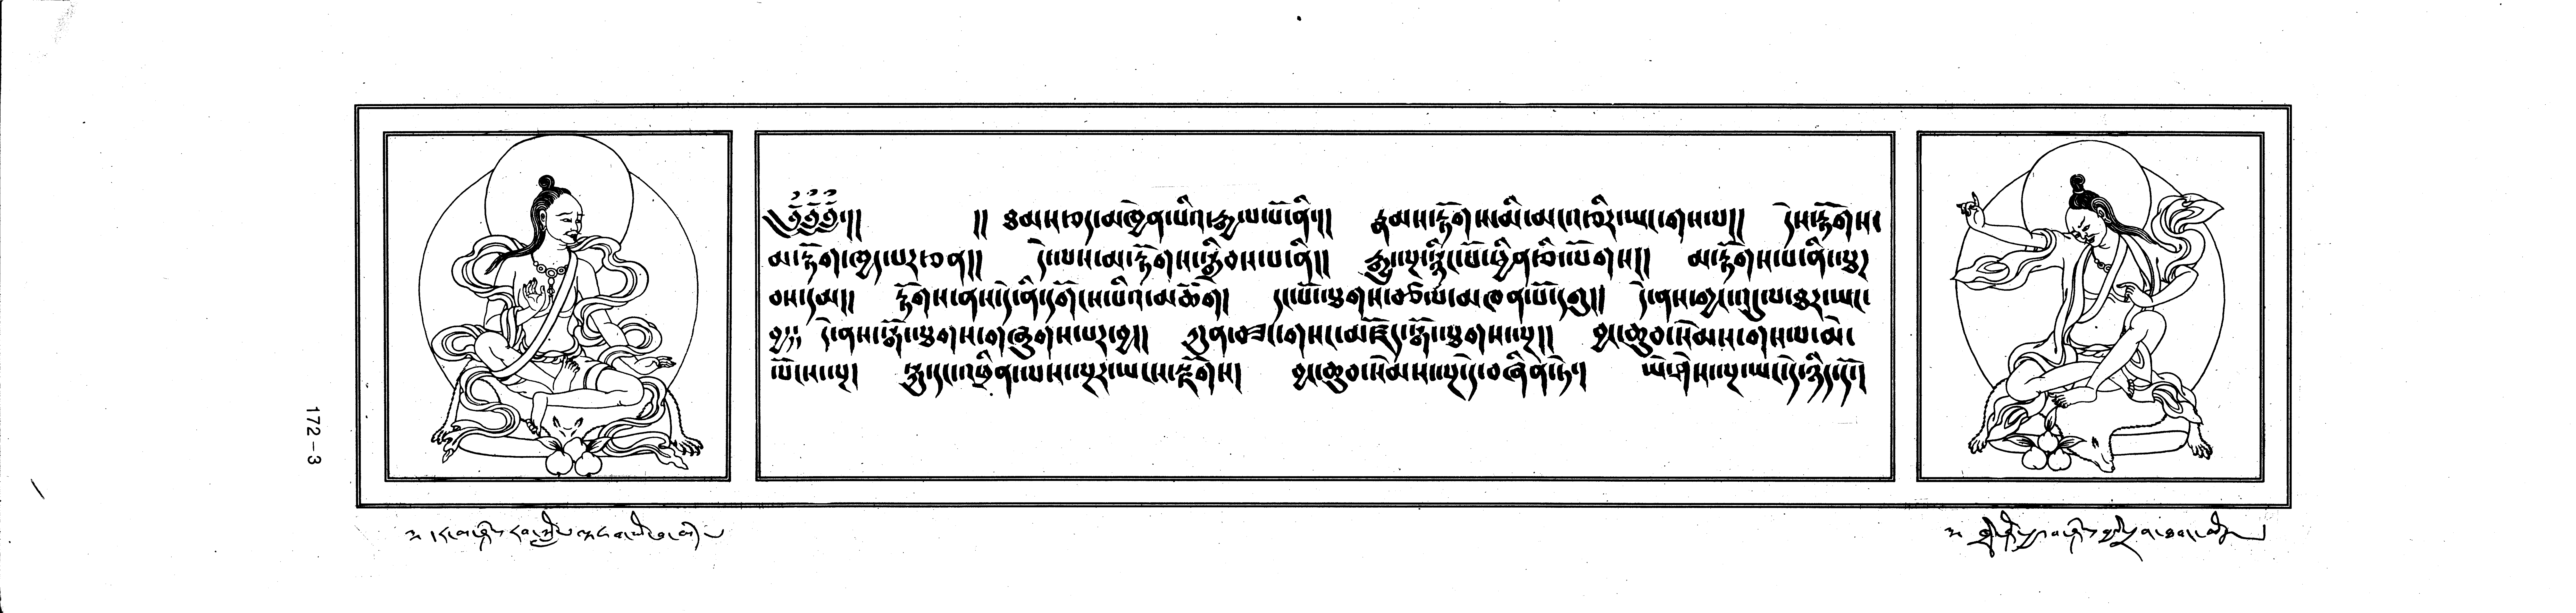ཐམས་ཅད་མཁྱེན་པའི་རྒྱལ་པོ་ནི། རྣམས་རྟོག་མི་མངའ་ཅིར་ཡང་གསལ། དེ་རྟོགས་
མ་རྟོགས་ཁྱད་པར་ཅན༼ཆེ༽། དེ་ལས་མ་རྟོགས་སྒྲིབས་པ་ནི། རྒྱུ་ལྔ་སྙིང་པོ་ཕྱིན་ཅི་ལོག། མ་རྟོགས་པ་ནི་ལྕགས་
བས་དམ། རྟོགས་ནས་དེ་ནི་དགོངས་པའི་མཆོག དང་པོ་ལྕགས་བཙལ་མཁན་པོ་དགུ། དེ་ནས་གྱང་འདུལ་ཐར་ཡང་
བྱ། དེ་ནས་སྒོ་ལྕགས་གཞུག་པར་བྱ། ཀུན་བཟང་གསང་མཛོད་སྒོ་ལྕགས་ལྔ། བྱང་ཆུབ་སེམས་གསལ་མེ་
ལོང་ལྔ། སྐུ་དང་འཕྲིན་ལས་ལྔར་ཡང་རྫོགས། བྱང་ཆུབ་སེམས་ལྔ་དེ་བཞིན་ཏེ། ཡེ་ཤེས་ལྔ་ཡང་དེ་ཉིད་དོ།